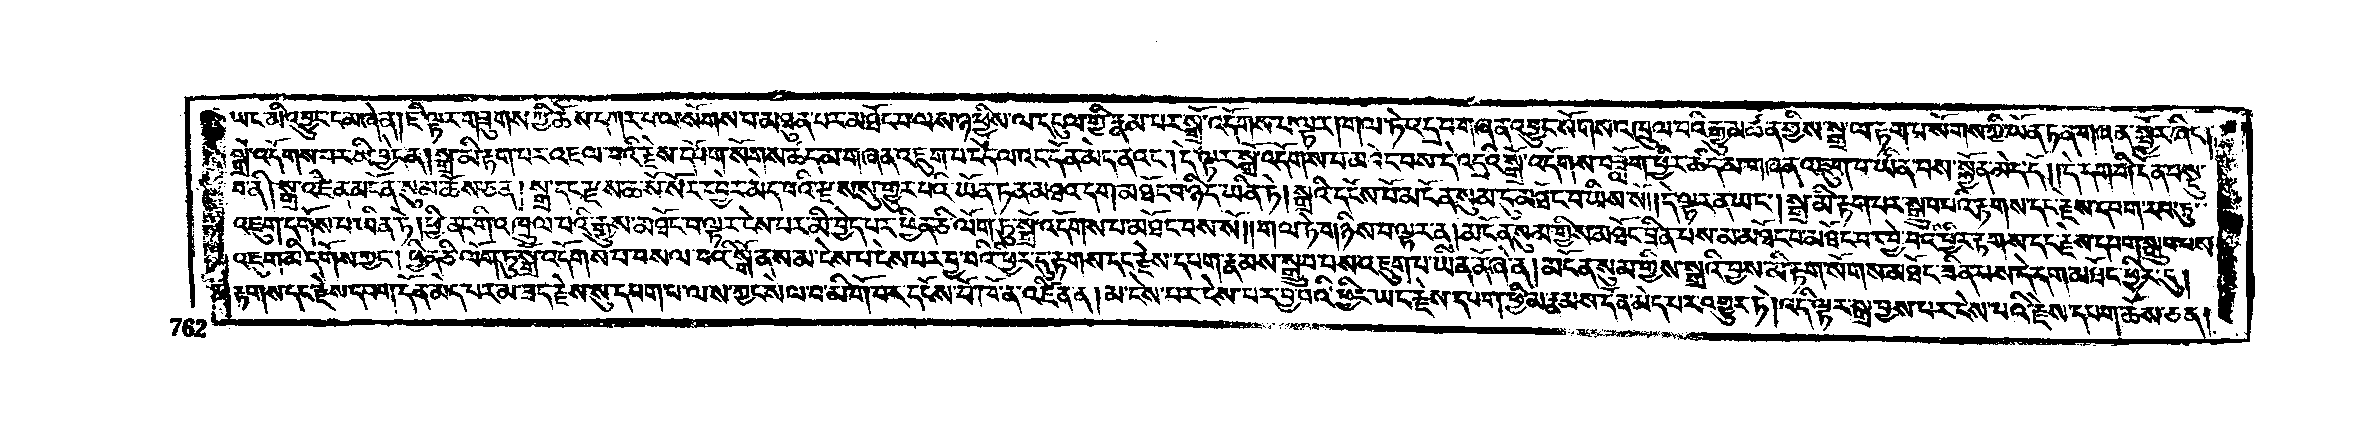ཡང་མི་འབྱུང་ངམ་ཞེ་ན། ཇི་ལྟར་གཟུགས་ཀྱི་ཆོས་དཀར་པ་ལ་སོགས་པ་མཐུན་པར་མཐོང་བ་ལས་ཉ་ཕྱིས་ལ་དངུལ་གྱི་རྣམ་པར་སྒྲོ་འདོགས་པ་ལྟར། གལ་ཏེ་འདྲ་བ་གཞན་འབྱུང་སོགས་འཁྲུལ་པའི་རྒྱུ་མཚན་གྱིས་སྒྲ་ལ་རྟག་པ་སོགས་ཀྱི་ཡོན་ཏན་གཞན་སྦྱོར་ཞིང་
སྒྲོ་འདོགས་པར་མི་བྱེད་ན། སྒྲ་མི་རྟག་པར་འཇལ་བའི་རྗེས་དཔོག་སོགས་ཚད་མ་གཞན་འཇུག་པ་དག་ལའང་དོན་མེད་ནའང་། དེ་ལྟར་སྒྲོ་འདོགས་པ་མ་འོང་བས་དེ་འདྲའི་སྒྲོ་འདོགས་བཟློག་ཕྱིར་ཚད་མ་གཞན་འཇུག་པ་ཡིན་པས་སྐྱོན་མེད་དོ། །དེ་དག་གི་དོན་བསྡུ་
བ་ནི། སྒྲ་འཛིན་མངོན་སུམ་ཆོས་ཅན། སྒྲ་དང་རྫས་ཆ་སོ་སོར་དབྱེར་མེད་པའི་རྫས་སུ་གྱུར་པའི་ཡོན་ཏན་མཐའ་དག་མཐོང་བ་ཉིད་ཡིན་ཏེ། སྒྲའི་དངོས་པོ་མངོན་སུམ་དུ་མཐོང་བ་ཡིས་སོ། །དེ་ལྟར་ན་ཡང་། སྒྲ་མི་རྟག་པར་སྒྲུབ་པའི་རྟགས་དང་རྗེས་དཔག་རབ་ཏུ་
འཇུག་དགོས་པ་ཡིན་ཏེ། ཕྱི་ནང་གི་འཁྲུལ་པའི་རྒྱུས་མཐོང་བ་ལྟར་ངེས་པར་མི་བྱེད་པར་ཕྱིན་ཅི་ལོག་ཏུ་སྒྲོ་འདོགས་པ་མཐོང་བས་སོ། །གལ་ཏེ་གཉིས་པ་ལྟར་ན། མངོན་སུམ་གྱིས་མཐོང་ཟིན་པས་མ་མཐོང་བ་མཐོང་བར་བྱེ་བའི་ཕྱིར་རྟགས་དང་རྗེས་དཔག་སྒྲུབ་པས་
འཇུག་མི་དགོས་ཀྱང་། ཕྱིན་ཅི་ལོག་ཏུ་སྒྲོ་འདོགས་པ་བསལ་བའི་སྒོ་ནས་མ་ངེས་པ་ངེས་པར་བྱ་བའི་ཕྱིར་དུ་རྟགས་དང་རྗེས་དཔག་རྣམས་སྒྲུབ་པས་འཇུག་པ་ཡིན་ནོ་ཞེས་ན། མངོན་སུམ་གྱིས་སྒྲའི་བྱས་མི་རྟག་སོགས་མཐོང་ཟིན་པས་དེ་དག་མཐོང་ཕྱིར་དུ།
རྟགས་དང་རྗེས་དཔག་དོན་མེད་པར་མ་ཟད་རྗེས་སུ་དཔག་པ་ལས་ཀྱང་སེལ་བ་མི་གོ་བར་དངོས་པོ་ཁོ་ན་འཛིན་ན། མ་ངེས་པར་ངེས་པར་བྱ་བའི་ཕྱིར་ཡང་རྗེས་དཔག་ཕྱི་མ་རྣམས་དོན་མེད་པར་འགྱུར་ཏེ། འདི་ལྟར་སྒྲ་བྱས་པར་ངེས་པའི་རྗེས་དཔག་ཆོས་ཅན།